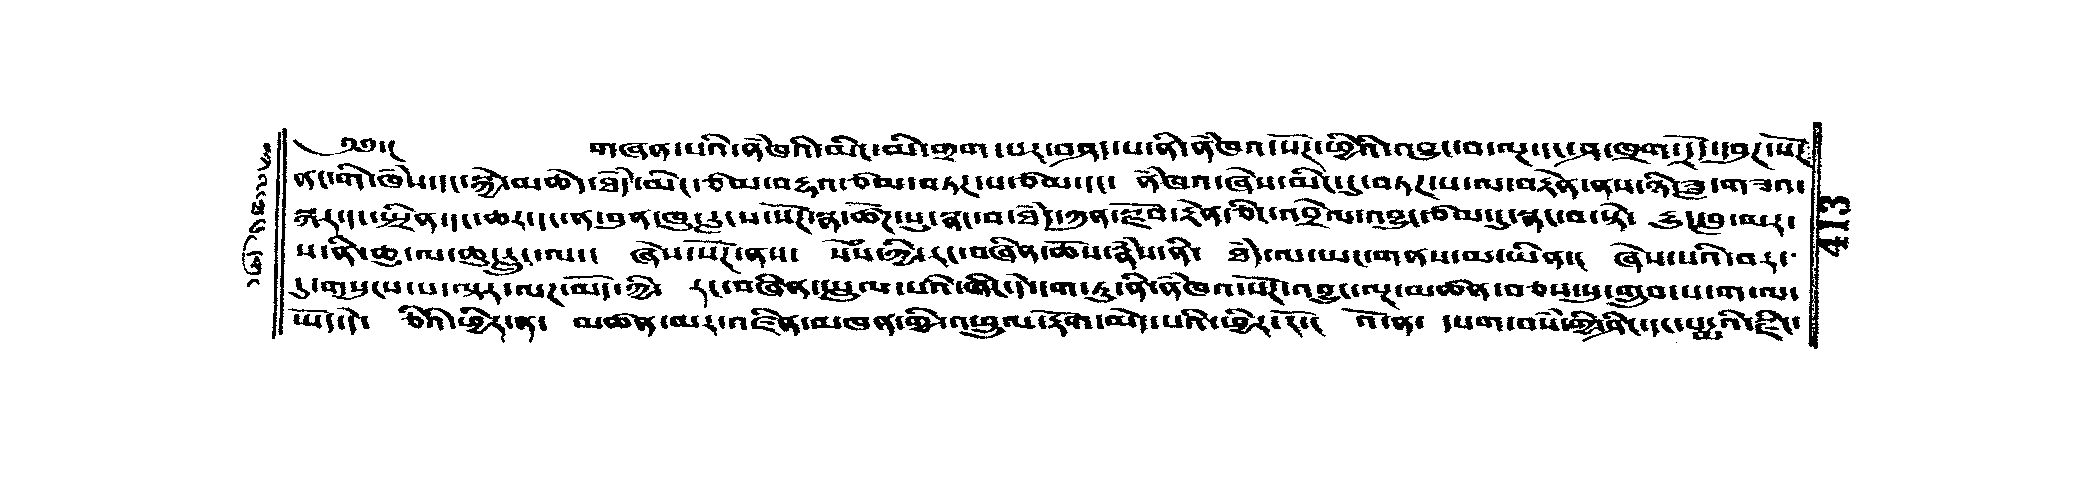གཞན་པའི་ནམ་མཁའི་མིང་མི་གྲག་པར་བཤད་པ་ནི་ནམ་མཁའ་སོགས་ཕྱིའི་འབྱུང་བ་ལྔ་དང་ཤ་ཁྲག་དྲོད་དབུགས་སོགས་
ནང་གི་ཁམས་དང་སྐྱེ་མཆེད་ཐམས་ཅད་མིང་ཙམ་བརྡ་ཙམ་བཏགས་པ་ཙམ་དང་། ནམ་མཁའ་ཞེས་མིང་དུ་བཏགས་པ་ལ་བརྟེན་ནས་ཉི་ཟླ་གཟའ་
སྐར་དང་སྤྲིན་དང་ཆར་དང་ན་བུན་ཁུ་རླངས་སོགས་སྣ་ཚོགས་སུ་སྣང་བ་ཐམས་ཅད་ཀུན་རྫོབ་རྟེན་ཅིང་འབྲེལ་འབྱུང་ཙམ་དུ་སྣང་བ་སྟེ། རྒྱུད་བླ་མར་
ས་ནི་ཆུ་ལ་ཆུ་རླུང་ལ། ཞེས་སོགས་ནས། སེམས་ཀྱི་རང་བཞིན་ཆོས་རྣམས་ནི། །ཐམས་ཅད་ལ་ཡང་གནས་མ་ཡིན། ཞེས་པའི་བར་
དུ་གསུངས་པ་ལྟར་ལགས་མོད་ཀྱི། རང་བཞིན་སྤྲུལ་པའི་ཞིང་དེ་དག་ཏུ་ནི་ནམ་མཁའ་སོགས་འབྱུང་ལྔ་མཚན་བཅས་སུ་གྲུབ་པ་ག་ལ་
ཡོད་དེ། ཅིའི་ཕྱིར་ན། མཚན་མར་འཛིན་མཁན་གྱི་འཁྲུལ་རྟོག་མེད་པའི་ཕྱིར་རོ། འོ་ན། དཔག་བསམ་གྱི་ཤིང་དང་པདྨའི་རྫིང་